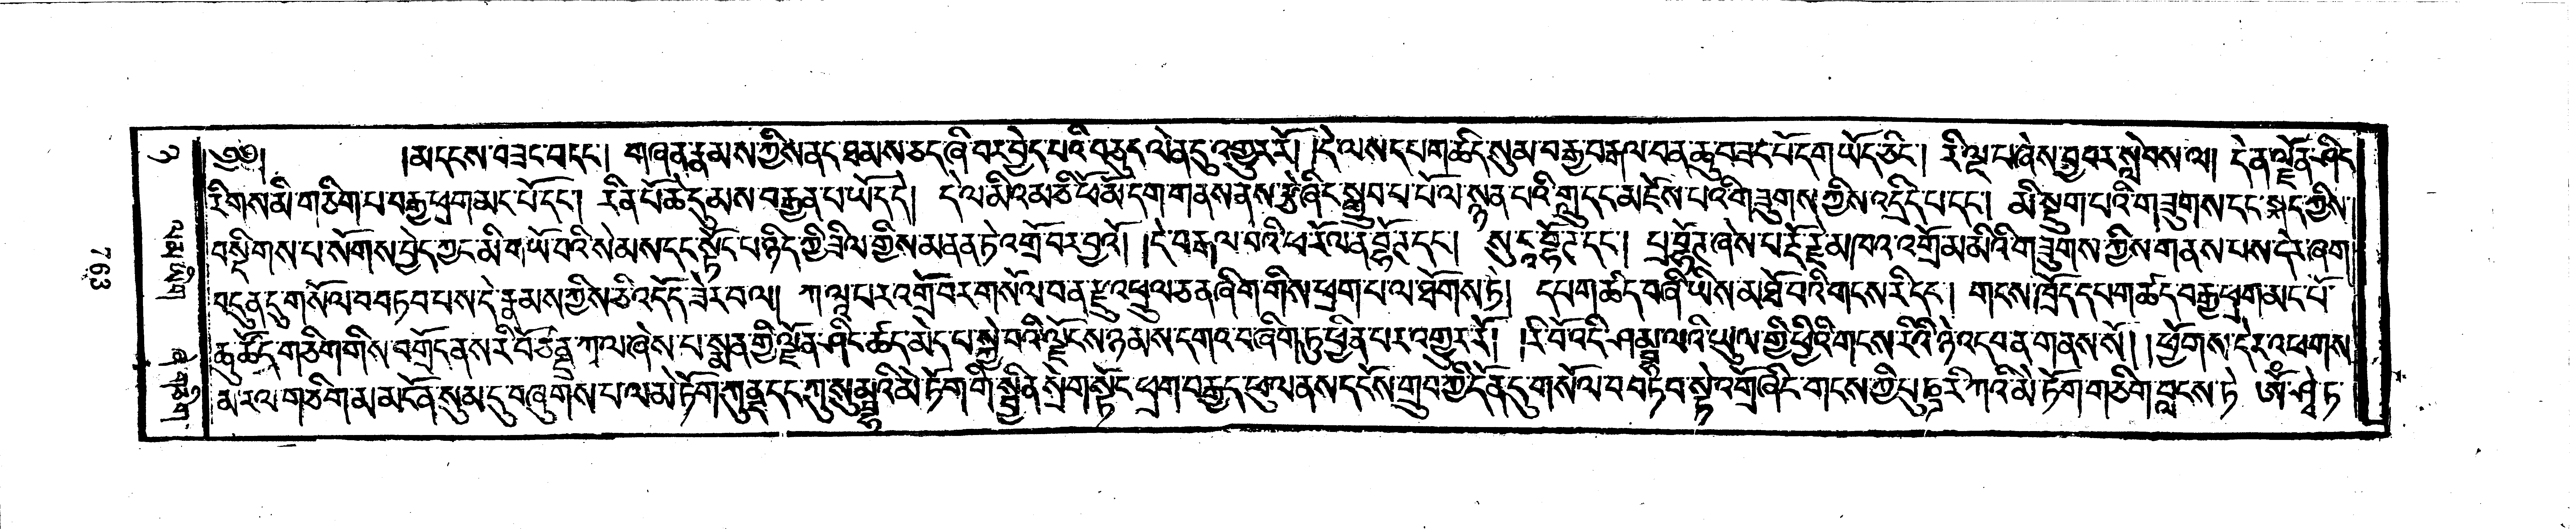༄༅། །མདངས་བཟང་བ་དང་། གཞན་རྣམས་ཀྱིས་ནད་ཐམས་ཅད་ཞི་བར་བྱེད་པའི་བཅུད་ལེན་དུ་འགྱུར་རོ། །དེ་ལས་དཔག་ཆིད་སུམ་བརྒྱ་བརྒལ་བན་ཆུ་བཟང་པོ་དག་ཡོད་ཅིང་། རི་ལྔ་པ་ཞེས་བྱ་བར་སླེབས་ལ། དེ་ན་ལྗོན་ཤིང་
རིགས་མི་གཅིག་པ་བརྒྱ་ཕྲག་མང་པོ་དང་། རིན་པོ་ཆེ་དུ་མས་བརྒྱན་པ་ཡོད་དེ། དེ་ལ་མིའམ་ཅི་ཕོ་མོ་དག་གནས་ནས་རྩེ་ཞིང་སྒྲུབ་པ་པོ་ལ་སྙན་པའི་གླུ་དང་མཛེས་པའི་གཟུགས་ཀྱིས་འདྲིད་པ་དང་། མི་སྡུག་པའི་གཟུགས་དང་སྐད་ཀྱིས་
བསྡིགས་པ་སོགས་བྱེད་ཀྱང་མི་གཡོ་བའི་སེམས་དང་སྟོང་པ་ཉིད་ཀྱི་ཟིལ་གྱིས་མནན་ཏེ་འགྲོ་བར་བྱའོ། །དེ་བརྒལ་བའི་ཕ་རོལ་ན་བྷོ་ཊ་དང་། སུ་ངཱ?་བྷོ་ཊ་དང་། པྲ་བྷོ་ཊ་ཞེས་པ་རྡོ་རྗེ་མཁའ་འགྲོ་མ་མིའི་གཟུགས་ཀྱིས་གནས་པས་དེར་ཞག་
བདུན་དུ་གསོལ་བ་བཏབ་པས་དེ་རྣམས་ཀྱིས་ཅི་འདོད་ཟེར་བ་ལ། ཀ་ལཱ་པར་འགྲོ་བར་གསོལ་བ་ན་རྫུ་འཕྲུལ་ཅན་ཞིག་གིས་ཕྲག་པ་ལ་ཐོགས་ཏེ། དཔག་ཚད་བཞི་ཡིས་མཐོ་བའི་གངས་རི་དང་། གངས་ཁྲོད་དཔག་ཚད་བརྒྱ་ཕྲག་མང་པོ་
ཆུ་ཚོད་གཅིག་གིས་བགྲོད་ནས་རི་བོ་ཙནྡྲ་ཀ་ལ་ཞེས་པ་སྨན་གྱི་ལྗོན་ཤིང་ཚད་མེད་པ་སྐྱེ་བའི་ལྗོངས་ཉམས་དགའ་བ་ཞིག་ཏུ་ཕྱིན་པར་འགྱུར་རོ། །རི་བོ་འདི་ཤམྦྷ་ལའི་ཡུལ་གྱི་ཕྱིའི་གངས་རིའི་ཉེ་འདབ་ན་གནས་སོ། །ཕྱོགས་དེར་འཕགས་
མ་རལ་གཅིག་མ་མངོན་སུམ་དུ་བཞུགས་པ་ལ་མེ་ཏོག་ཀུནྡ་དང་ཀུ་སུམྦྷའི་མེ་ཏོག་གི་སྦྱིན་སྲེག་སྟོང་ཕྲག་བརྒྱད་ཕུལ་ནས་དངོས་གྲུབ་ཀྱི་དོན་དུ་གསོལ་བ་བཏབ་སྟེ་འགྲོ་ཞིང་གངས་ཀྱི་པུཎྜ་རི་ཀའི་མེ་ཏོག་གཅིག་བླངས་ཏེ། ཨོཾ་ཤྭེ་ཏ་